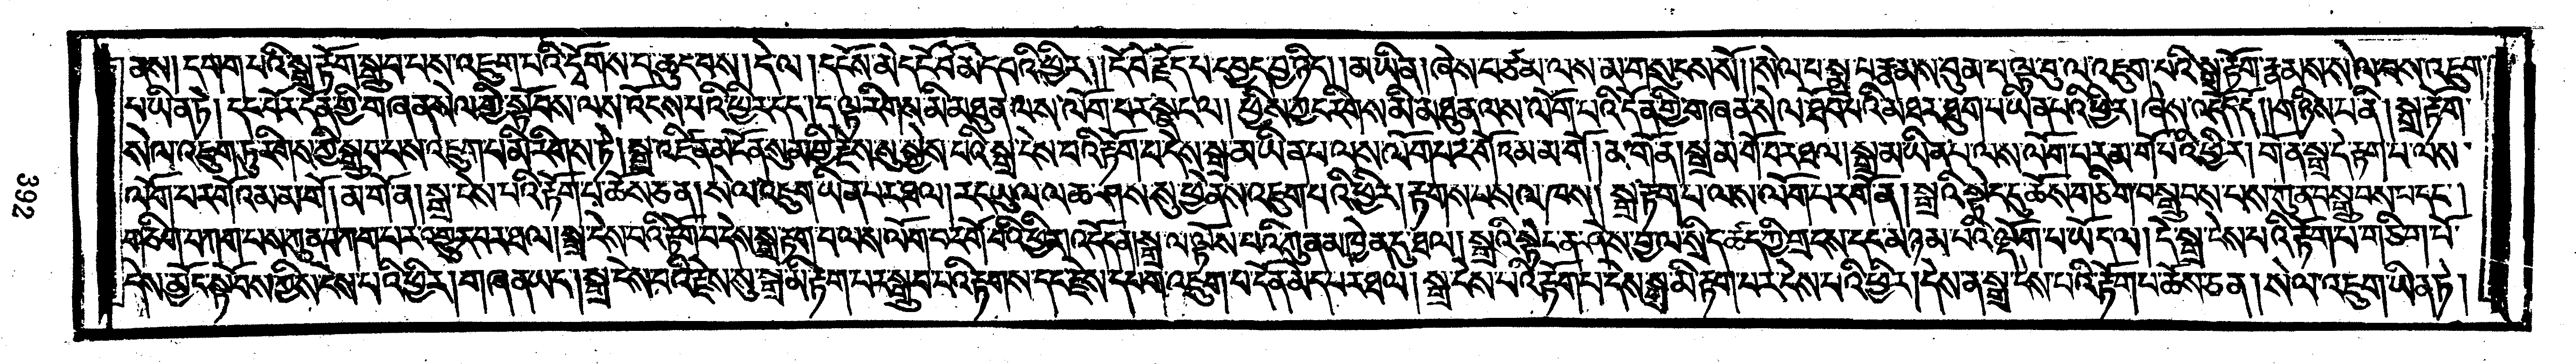ནས། དགག་པའི་སྒྲ་རྟོག་སྒྲུབ་པས་འཇུག་པའི་དྭོགས་པ་ཆུང་བས། དེ་ལ་།དངོས་མེད་ངོ་བོ་མེད་པའི་ཕྱིར། །ངོ་བོ་རྗོད་པ་དཔྱད་བྱ་ཉིད། །མ་ཡིན། ཞེས་པ་ཙམ་ལས་མ་གསུངས་སོ། །སེལ་བ་སྨྲ་བ་རྣམས་བུམ་པ་ལྟ་བུ་ལ་འཇུག་པའི་སྒྲ་རྟོག་རྣམས་སེལ་བས་འཇུག་
པ་ཡིན་ཏེ། དང་པོར་དོན་གྱི་གཞན་སེལ་གྱི་སྟོབས་ལས་འོངས་པའི་ཕྱིར་དང་། ད་ལྟ་རིགས་མི་མཐུན་ལས་ལོག་པར་སྣང་ལ། ཕྱིས་ཀྱང་རིགས་མི་མཐུན་ལས་ལོག་པའི་དོན་གྱི་གཞན་སེལ་ཐོབ་པའི་མཐར་ཐུག་པ་ཡིན་པའི་ཕྱིར། ཞེས་འདོད་དོ། །གཉིས་པ་ནི། སྒྲ་རྟོག་
སེལ་འཇུག་ཏུ་རིགས་ཀྱི་སྒྲུབ་པས་འཇུག་པ་མི་རིགས་ཏེ། སྒྲ་འཛིན་མངོན་སུམ་གྱི་རྗེས་སུ་སྐྱེས་པའི་སྒྲ་ངེས་པའི་རྟོག་པ་དེས་སྒྲ་མ་ཡིན་པ་ལས་ལོག་པར་གོའམ་མ་གོ །མ་གོ་ན། སྒྲ་མ་གོ་བར་ཐལ། སྒྲ་མ་ཡིན་པ་ལས་ལོག་པར་མ་གོ་བའི་ཕྱིར། གོ་ན་སྒྲ་དེ་རྟག་པ་ལས་
ལོག་པར་གོའམ་མ་གོ །མ་གོ་ན། སྒྲ་ངེས་པའི་རྟོག་པ་ཆོས་ཅན། སེལ་འཇུག་ཡིན་པར་ཐལ། རང་ཡུལ་ལ་ཆ་ཤས་སུ་ཕྱེ་ནས་འཇུག་པའི་ཕྱིར། རྟགས་བསལ་ཁས། སྒྲ་རྟག་པ་ལས་ལོག་པར་གོ་ན། སྒྲའི་སྟེང་དུ་ཆོས་གཅིག་བསྒྲུབས་པས་ཀུན་བསྒྲུབས་པ་དང་།
གཅིག་བཀག་པས་ཀུན་བཀག་པར་འགྱུར་བར་ཐལ། སྒྲ་ངེས་པའི་རྟོག་པ་དེས་སྒྲ་རྟག་པ་ལས་ལོག་པར་གོ་བའི་ཕྱིར། འདོད་ན། སྒྲ་ལ་ལྟོས་པའི་ཀུན་མཁྱེན་དུ་ཐལ། སྒྲའི་སྟེང་ན་ཤེས་བྱ་ལ་སྲིད་ཚད་ཀྱི་གྲངས་དང་མཉམ་པའི་ལྡོག་པ་ཡོད་ལ། དེ་སྒྲ་ངེས་པའི་རྟོག་པ་གཅིག་པོ་
དེས་མྱོང་སྟོབས་ཀྱིས་ངེས་པའི་ཕྱིར། གཞན་ཡང་། སྒྲ་ངེས་པའི་རྗེས་སུ་སྒྲ་མི་རྟག་པར་སྒྲུབ་པའི་རྟགས་དང་རྗེས་དཔག་འཇུག་པ་དོན་མེད་པར་ཐལ། སྒྲ་ངེས་པའི་རྟོགས་དེས་སྒྲ་མི་རྟག་པར་ངེས་པའི་ཕྱིར། དེས་ན་སྒྲ་ངེས་པའི་རྟོག་པ་ཆོས་ཅན། སེལ་འཇུག་ཡིན་ཏེ།